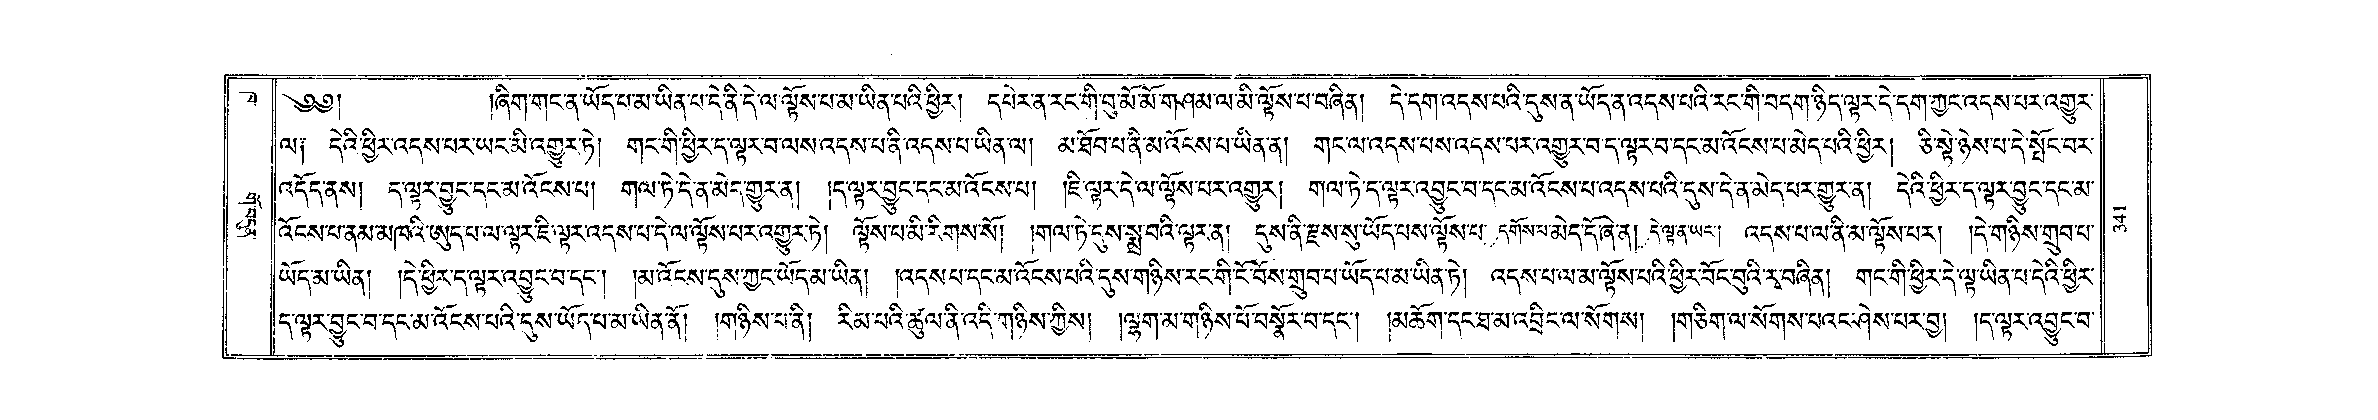༄༅། །ཞིག་གང་ན་ཡོད་པ་མ་ཡིན་པ་དེ་ནི་དེ་ལ་ལྟོས་པ་མ་ཡིན་པའི་ཕྱིར། དཔེར་ན་རང་གི་བུ་མོ་མོ་གཤམ་ལ་མི་ལྟོས་པ་བཞིན། དེ་དག་འདས་པའི་དུས་ན་ཡོད་ན་འདས་པའི་རང་གི་བདག་ཉིད་ལྟར་དེ་དག་ཀྱང་འདས་པར་འགྱུར་
ལ༑ དེའི་ཕྱིར་འདས་པར་ཡང་མི་འགྱུར་ཏེ། གང་གི་ཕྱིར་ད་ལྟར་བ་ལས་འདས་པ་ནི་འདས་པ་ཡིན་ལ། མ་ཐོབ་པ་ནི་མ་འོངས་པ་ཡིན་ན། གང་ལ་འདས་པས་འདས་པར་འགྱུར་བ་ད་ལྟར་བ་དང་མ་འོངས་པ་མེད་པའི་ཕྱིར། ཅི་སྟེ་ཉེས་པ་དེ་སྤོང་བར་
འདོད་ནས། ད་ལྟར་བྱུང་དང་མ་འོངས་པ། གལ་ཏེ་དེ་ན་མེད་གྱུར་ན། །ད་ལྟར་བྱུང་དང་མ་འོངས་པ། །ཇི་ལྟར་དེ་ལ་ལྟོས་པར་འགྱུར། གལ་ཏེ་ད་ལྟར་འབྱུང་བ་དང་མ་འོངས་པ་འདས་པའི་དུས་དེ་ན་མེད་པར་གྱུར་ན། དེའི་ཕྱིར་ད་ལྟར་བྱུང་དང་མ་
འོངས་པ་ནམ་མཁའི་ཨུད་པ་ལ་ལྟར་ཇི་ལྟར་འདས་པ་དེ་ལ་ལྟོས་པར་འགྱུར་ཏེ། ལྟོས་པ་མི་རིགས་སོ། །གལ་ཏེ་དུས་སྨྲ་བའི་ལྟར་ན། དུས་ནི་རྫས་སུ་ཡོད་པས་ལྟོས་པ་དགོས་པ་མེད་དོ་ཞེ་ན། དེ་ལྟ་ན་ཡང་།  འདས་པ་ལ་ནི་མ་ལྟོས་པར། །དེ་གཉིས་གྲུབ་པ་
ཡོད་མ་ཡིན། །དེ་ཕྱིར་ད་ལྟར་འབྱུང་བ་དང་། །མ་འོངས་དུས་ཀྱང་ཡོད་མ་ཡིན། །འདས་པ་དང་མ་འོངས་པའི་དུས་གཉིས་རང་གི་ངོ་བོས་གྲུབ་པ་ཡོད་པ་མ་ཡིན་ཏེ། འདས་པ་ལ་མ་ལྟོས་པའི་ཕྱིར་བོང་བུའི་རྭ་བཞིན། གང་གི་ཕྱིར་དེ་ལྟ་ཡིན་པ་དེའི་ཕྱིར་
ད་ལྟར་བྱུང་བ་དང་མ་འོངས་པའི་དུས་ཡོད་པ་མ་ཡིན་ནོ། །གཉིས་པ་ནི། རིམ་པའི་ཚུལ་ནི་འདི་གཉིས་ཀྱིས། །ལྷག་མ་གཉིས་པོ་བསྣོར་བ་དང་། །མཆོག་དང་ཐ་མ་འབྲིང་ལ་སོགས། །གཅིག་ལ་སོགས་པའང་ཤེས་པར་བྱ། །ད་ལྟར་འབྱུང་བ་